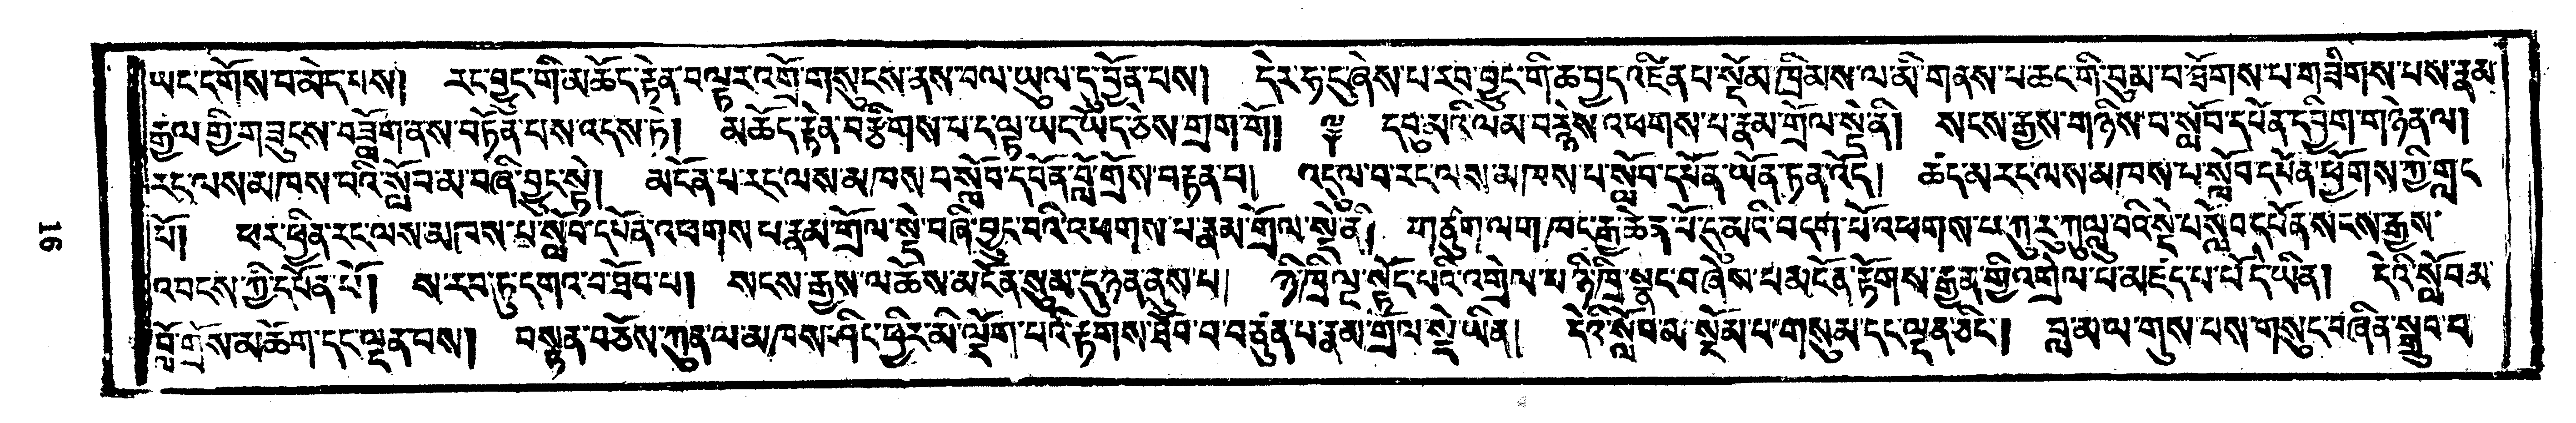ཡང་དགོས་བ་མེད་པས། རང་བྱུང་གི་མཆོད་རྟེན་བལྟར་འགྲོ་གསུངས་ནས་བལ་ཡུལ་དུ་བྱོན་པས། དེར་ཧ་དུ་ཞེས་པ་རབ་བྱུང་གི་ཆ་བྱད་འཛིན་པ་སྡོམ་ཁྲིམས་ལ་མི་གནས་པ་ཆང་གི་བུམ་པ་ཐོགས་པ་གཟིགས་པས་རྣམ་
རྒྱལ་གྱི་གཟུངས་བཟློག་ནས་བཏོན་པས་འདས་ཏེ། མཆོད་རྟེན་བརྩིགས་པ་ད་ལྟ་ཡང་ཡོད་ཅེས་གྲག་གོ། ༈ དབུ་མའི་ལམ་བརྙེས་འཕགས་པ་རྣམ་གྲོལ་སྡེ་ནི། སངས་རྒྱས་གཉིས་པ་སློབ་དཔོན་དབྱིག་གཉེན་ལ།
རང་ལས་མཁས་པའི་སློབ་མ་བཞི་བྱུང་སྟེ། མངོན་པ་རང་ལས་མཁས་བསློབ་དཔོན་བློ་གྲོས་བརྟན་པ། འདུལ་བ་རང་ལས་མཁས་པ་སློབ་དཔོན་ཡོན་ཏན་འོད། ཚད་མ་རང་ལས་མཁས་པ་སློབ་དཔོན་ཕྱོགས་ཀྱི་གླང་
པོ། ཕར་ཕྱིན་རང་ལས་མཁས་པ་སློབ་དཔོན་འཕགས་པ་རྣམ་གྲོལ་སྡེ་བཞི་བྱུང་བའི་འཕགས་པ་རྣམ་གྲོལ་སྡེ་ནི། གཙུག་ལག་ཁང་རྒྱ་ཆེན་པོ་དུ་མའི་བདག་པོ་འཕགས་པ་ཀུ་རུ་ཀུལླུ་བའི་སྡེ་པ་སློབ་དཔོན་སངས་རྒྱས་
འབངས་ཀྱི་དཔོན་པོ། ས་རབ་ཏུ་དགའ་བ་ཐོབ་པ། སངས་རྒྱས་ལ་ཆོས་མངོན་སུམ་དུ་ཉན་ནུས་པ། ཉི་ཁྲི་ལྔ་སྟོང་པའི་འགྲེལ་པ་ཉི་ཁྲི་སྣང་བ་ཞེས་པ་མངོན་རྟོགས་རྒྱན་གྱི་འགྲེལ་པ་མཛད་པ་པོ་དེ་ཡིན། དེའི་སློབ་མ་
བློ་གྲོས་མཆོག་དང་ལྡན་པས། བསྟན་བཅོས་ཀུན་ལ་མཁས་ཤིང་ཕྱིར་མི་ལྡོག་པའི་རྟགས་ཐོབ་བ་བཙུན་པ་རྣམ་གྲོལ་སྡེ་ཡིན། དེའི་སློབ་མ་སྡོམ་པ་གསུམ་དང་ལྡན་ཅིང་། བླ་མ་ལ་གུས་པས་གསུང་བཞིན་སྒྲུབ་བ་